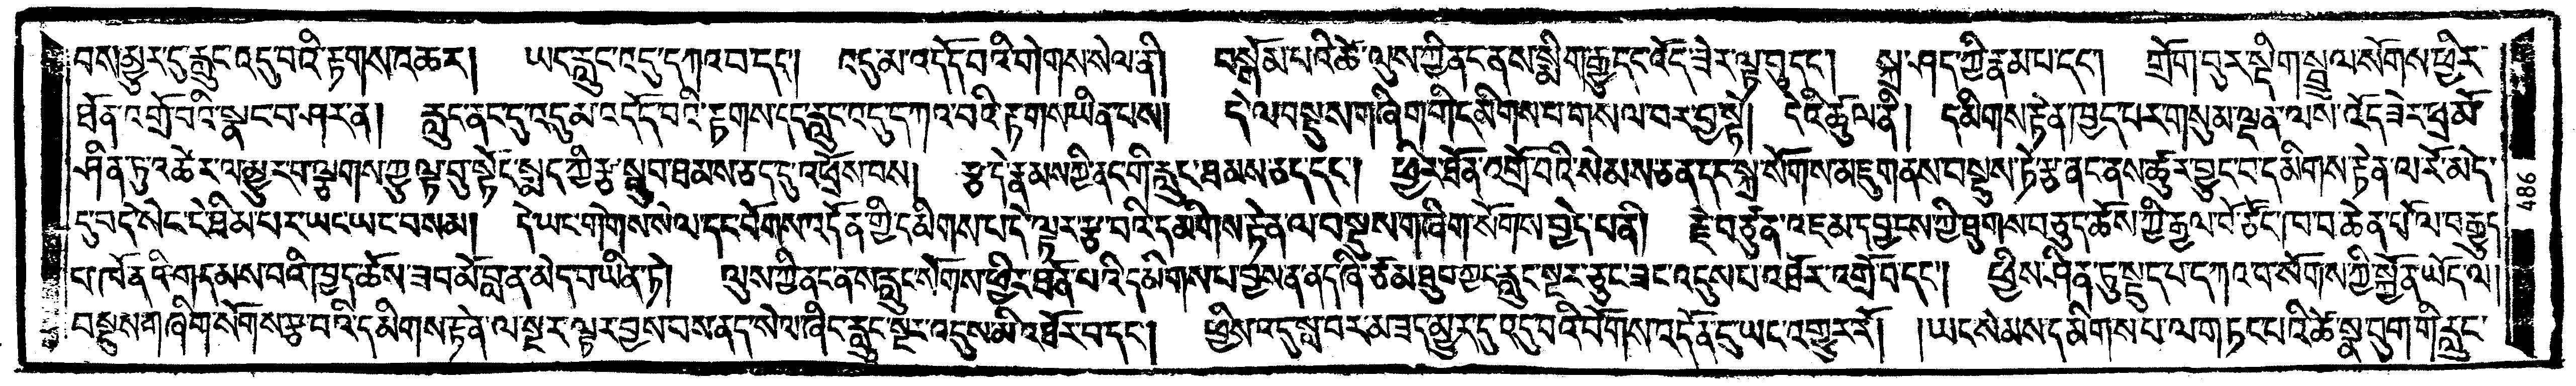བས་མྱུར་དུ་རླུང་འདུ་བའི་རྟགས་འཆར། ཡང་རླུང་འདུ་དཀའ་བ་དང་། འདུ་མ་འདོད་བའི་གེགས་སེལ་ནི། བསྒོམ་པའི་ཚེ་ལུས་ཀྱི་ནང་ནས་སྨིག་རྒྱུ་དང་འོད་ཟེར་ལྟ་བུ་དང་། སྐྲ་ཤད་ཀྱི་རྣམ་པ་དང་། གྲོག་བུར་སྡིག་སྦྲུལ་སོགས་ཕྱིར་
ཐོན་འགྲོ་བའི་སྣང་བ་ཤར་ན། རླུང་ནང་དུ་འདུམ་འདོད་བའི་རྟགས་དང་རླུང་འདུ་དཀའ་བའི་རྟགས་ཡིན་པས། དེ་ལ་བསྡུས་གཞིག་གི་དམིགས་པ་གསལ་བར་བྱ་སྟེ། དེའི་ཚུལ་ནི། དམིགས་རྟེན་ཁྱད་པར་གསུམ་ལྡན་ལས་འོད་ཟེར་ཕྲ་མོ་
ཤིན་ཏུ་འཚེར་ལ་མྱུར་བ་ལྕགས་ཀྱུ་ལྟ་བུ་སྟོང་སྨད་ཀྱི་རྩ་སྦུབ་ཐམས་ཅད་དུ་འཕྲོས་བས། རྩ་དེ་རྣམས་ཀྱི་ནང་གི་རླུང་ཐམས་ཅད་དང་། ཕྱིར་ཐོན་འགྲོ་བའི་སེམས་ཅན་དང་སྐྲ་སོགས་མཇུག་ན་བསྡུས་ཏེ་རྩ་ནང་ནས་ཚུར་བྱུང་བ་དམིགས་རྟེན་ལ་རོ་མེད་
དུ་བདེ་སེང་ངེ་ཐིམ་པར་ཡང་ཡང་བསམ། དེ་ཡང་གེགས་སེལ་དང་བོགས་འདོན་གྱི་དམིགས་པ་དེ་ལྟར་རྩ་བའི་དམིགས་རྟེན་ལ་བསྡུས་གཞིག་སོགས་བྱེད་པ་ནི། རྗེ་བཙུན་འཇམ་དབྱངས་ཀྱི་ཐུགས་བཅུད་ཆོས་ཀྱི་རྒྱལ་པོ་ཙོང་ཁ་པ་ཆེན་པོ་ལ་བརྒྱུད་
པ་ཁོ་ནའི་གདམས་པའི་ཁྱད་ཆོས་ཟབ་མོ་བླ་ན་མེད་པ་ཡིན་ཏེ། ལུས་ཀྱི་ནང་ནས་རླུང་སོགས་ཕྱིར་ཐོན་པའི་དམིགས་པ་བྱས་ན་ནད་ཞི་ཙམ་ཐུབ་ཀྱང་རླུང་སྔར་ཅུང་ཟང་འདུས་པ་འཐོར་འགྲོ་བ་དང་། ཕྱིས་ཤིན་ཏུ་སྡུད་པ་དཀའ་བ་སོགས་ཀྱི་སྐྱོན་ཡོད་ལ།
བསྡུས་གཞིག་སོགས་རྩ་བའི་དམིགས་རྟེན་ལ་སྔར་ལྟར་བྱས་བས་ནད་སེལ་ཞིང་རླུང་སྔར་འདུས་མི་འཐོར་བ་དང་། ཕྱིས་འདུ་སླ་བར་མ་ཟད་མྱུར་དུ་འདུ་བའི་བོགས་འདོན་དུ་ཡང་འགྱུར་རོ། །ཡང་སེམས་དམིགས་པ་ལ་གཏང་པའི་ཚེ་སྣ་བུག་གི་རླུང་